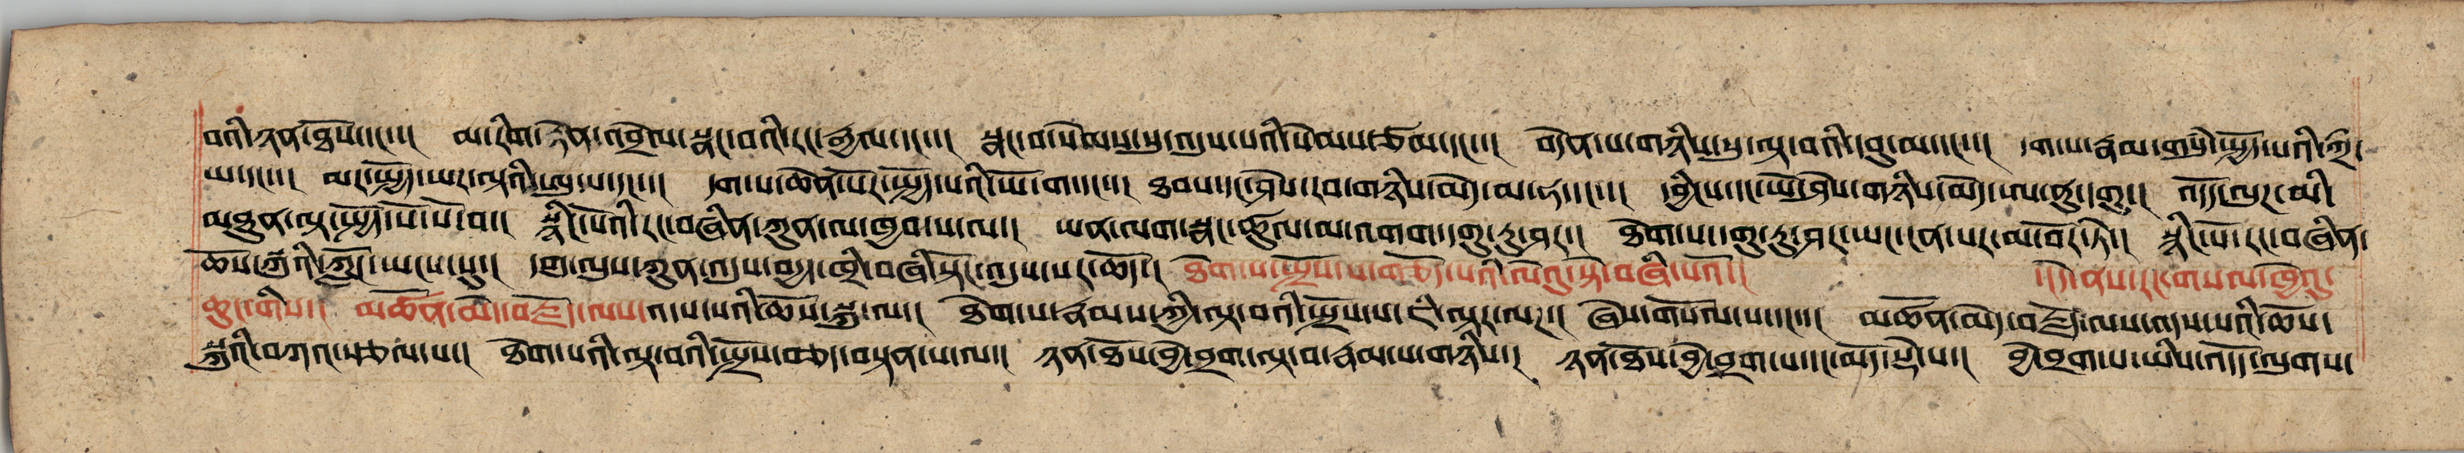བའི་ཉན་ཐོས་དང་་། མ་རིག་རྟེན་འབྲེལ་སྣང་བའི་རང་རྒྱལ་དང་་། སྣང་བ་སེམས་སུ་འདུས་པའི་སེམས་ཙམ་དང་་། བདེན་པ་གཉིས་སུ་ལྟ་བའི་དབུ་མ་དང་་། དག་པ་རྣམ་གསུཾ་སྤྱོད་པའི་ཀྲྀ་
ཡ་དང་་། མར་སྤྱོད་ཡར་ལྟའི་ཨུ་པ་དང་་། དག་པ་ཆེན་པོར་སྤྱོད་པའི་ཡོ་ག་དང་་། ཐབས་དང་ཤེས་རབ་གཉིས་མེད་མ་ཧ་དང་་། དབྱིངས་དང་ཡེ་ཤེས་གཉིས་མེད་ཨ་ནུ་དགུ་། འོདད་ལུཌ་མི་
མཐུན་ལྟ་སྤྱོད་སོ་སོ་བ་། སྙིང་པོའི་རང་བཞིན་ཀུན་ལ་ཁྱབ་པ་ལ་། ཡན་ལག་སྣང་ཚུལ་མ་འགག་དགུ་རུ་ཤར་། ཐེག་པ་དགུ་རུ་ཤར་ཡང་ངན་པར་མ་བོར་ཏེ་། སྙིང་པོ་རང་བཞིན་
ཆོས་སྐུའི་ཀློང་ཡངས་སུ་། དགུ་ལུས་ཀུན་འདུས་བདྱད་ཁྲི་བཞི་སྟོང་འདུས་པར་ཆོད་། ཐེག་པ་སྤྲོས་པ་གཅོད་པའི་ལེའུ་སྟེ་བཞི་པའོ་། ་།དེ་ནས་རང་གསལ་ཁྱེའུ་
ཆུང་གིས་། མཚན་མེད་བརྗོད་ལས་འདས་པའི་ཆོས་སྐུ་ལ་། ཐེག་པ་རྣམས་ཀྱི་ལྟ་བའི་སྤྲོས་པ་ཇི་ལྟར་ལཌ་། ཞེས་གསོལ་པ་དང་་། མཚོན་མེད་བརྗོད་ལས་འདས་པའི་ཆོས་
སྐུའི་བཀའ་སྩལ་པ་། ཐེག་པའི་ལྟ་བའི་སྤྲོས་བཅད་བསྟན་པ་ལ་། ཉན་ཐོས་བྱེ་བྲག་ལྟ་བ་རྣམ་པ་གཉིས་། ཉན་ཐོས་བྱེ་བྲག་པ་དང་མདོ་སྡེ་པ་། བྱེ་བྲག་པ་ཡིས་འདོད་ལུགས་